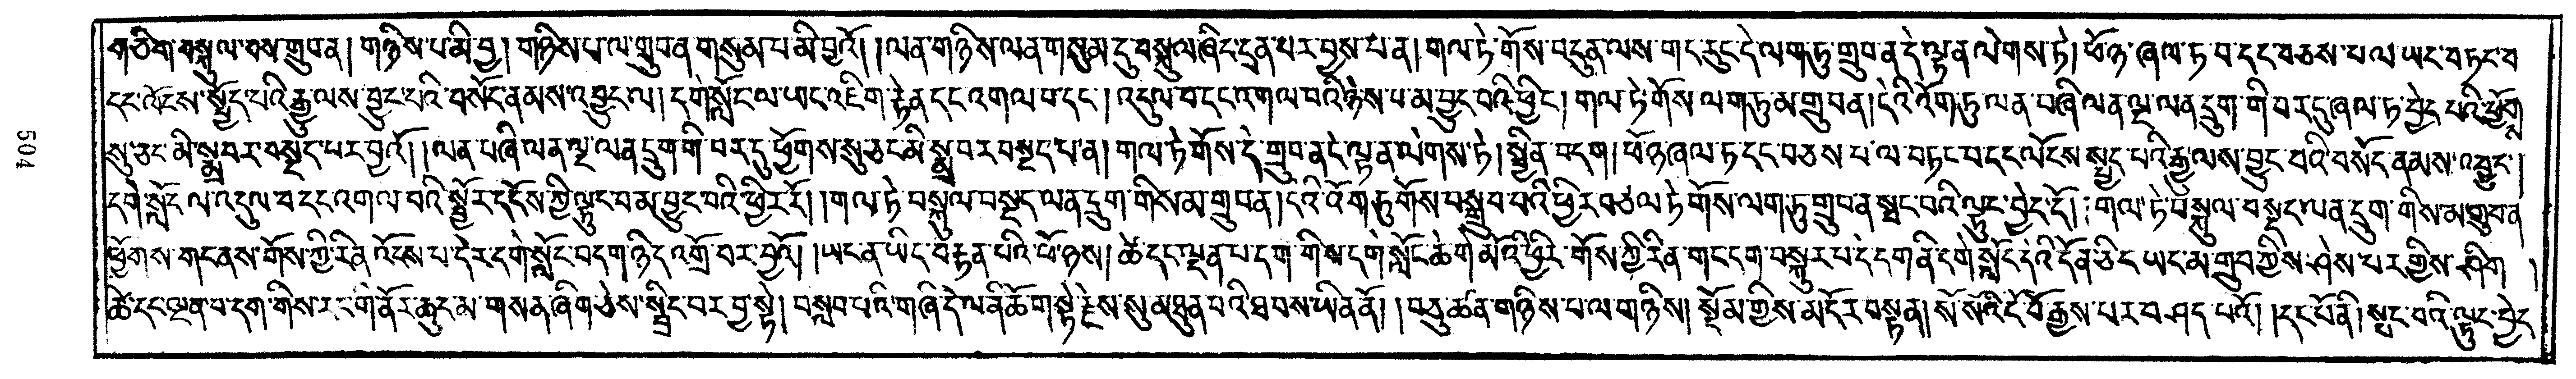གཅིག་བསྐུལ་བས་གྲུབ་ན། གཉིས་པ་མི་བྱ། གཉིས་པ་ལ་གྲུབ་ན་གསུམ་པ་མི་བྱའོ། །ལན་གཉིས་ལན་གསུམ་དུ་བསྐུལ་ཞིང་དྲན་པར་བྱས་པ་ན། གལ་ཏེ་གོས་བདུན་ལས་གང་རུང་དེ་ལག་ཏུ་གྲུབ་ན་དེ་ལྟན་ལེགས་ཏེ། ཕོ་ཉ་ཞལ་ཏ་བ་དང་བཅས་པལ་ཡང་བཏང་བ་
དང་ལོངས་སྤྱོད་པའི་རྒྱུ་ལས་བྱུང་པའི་བསོང་ནམས་འབྱུང་ལ། དགེ་སློང་ལ་ཡང་འཇིག་རྟེན་དང་འགལ་བ་དང་། འདུལ་བ་དང་འགལ་བའི་ཉེས་པ་མ་བྱུང་བའི་ཕྱིང་། གལ་ཏེ་གོས་ལག་ཏུ་མ་གྲུབ་ན། དེའི་འོག་ཏུ་ལན་བཞི་ལན་ལྔ་ལན་དྲུག་གི་བར་དུ་ཞལ་ཏ་བྱེད་པའི་ཕྱོགས་
སུ་ཅང་མི་སྨྲ་བར་བསྡད་པར་བྱའོ། །ལན་བཞི་ལན་ལྔ་ལན་དྲུག་གི་བར་དུ་ཕྱོགས་སུ་ཅང་མི་སྨྲ་བར་བསྔད་པ་ན། གལ་ཏེ་གོས་དེ་གྲུབ་ན་དེ་ལྟ་ན་ལེགས་ཏེ། སྦྱིན་བདག། ཕོ་ཉ་ཞལ་ཏ་དང་བཅས་པ་ལ་བཏང་བ་དང་ལོངས་སྤྱད་པའི་རྒྱུ་ལས་བྱུང་བའི་བསོད་ནམས་འབྱུང་།
དགེ་སློང་ལ་འདུལ་བ་དང་འགལ་བའི་སྦྱོར་དངོས་ཀྱི་ལྟུང་བ་མ་བྱུང་བའི་ཕྱིར་རོ། །གལ་ཏེ་བསྐུལ་བསྡད་ལན་དྲུག་གིས་མ་གྲུབ་ན། དེའི་འོག་ཏུ་གོས་བསྒྲུབ་པའི་ཕྱིར་བཙལ་ཏེ་གོས་ལག་ཏུ་གྲུབ་ན་སྤང་བའི་ལྟུང་བྱེད་དོ། །གལ་ཏེ་བསྐུལ་བསྡང་ལན་དྲུག་གིས་མ་གྲུབ་ན་
ཕྱོགས་གང་ནས་གོས་ཀྱི་རིན་འོངས་པ་དེར་དགེ་སློང་བདག་ཉིད་འགྲོ་བར་བྱའོ། །ཡང་ན་ཡིད་བརྟན་པའི་ཕོ་ཉས། ཚེ་དང་ལྡན་པ་དག་གིས་དགེ་སློང་ཆེ་གེ་མོའི་ཕྱིར་གོས་ཀྱི་རིན་གང་དག་བསྐུར་པ་དེ་དག་ནི་དགེ་སློང་དེའི་དོན་ཅིང་ཡང་མ་གྲུབ་ཀྱིས་ཤེས་པར་གྱིས་ཤིག།
ཚེ་དང་ལྡན་པ་དག་གིས་རང་གི་ནོར་ཆུང་མ་གསན་ཞིག་ཅེས་སྦྲིང་བར་བྱ་སྟེ། བསླབ་པའི་གཞི་དེ་ལ་ནི་ཆོ་ག་སྟེ་རྗེས་སུ་མཐུན་པའི་ཐབས་ཡིན་ནོ། །བཅུ་ཚན་གཉིས་པ་ལ་གཉིས། སྡོམ་གྱིས་མདོར་བསྟན། སོ་སོའི་ངོ་བོ་རྒྱས་པར་བཤད་པའོ། །དང་པོ་ནི། སྤང་བའི་ལྟུང་བྱེད་